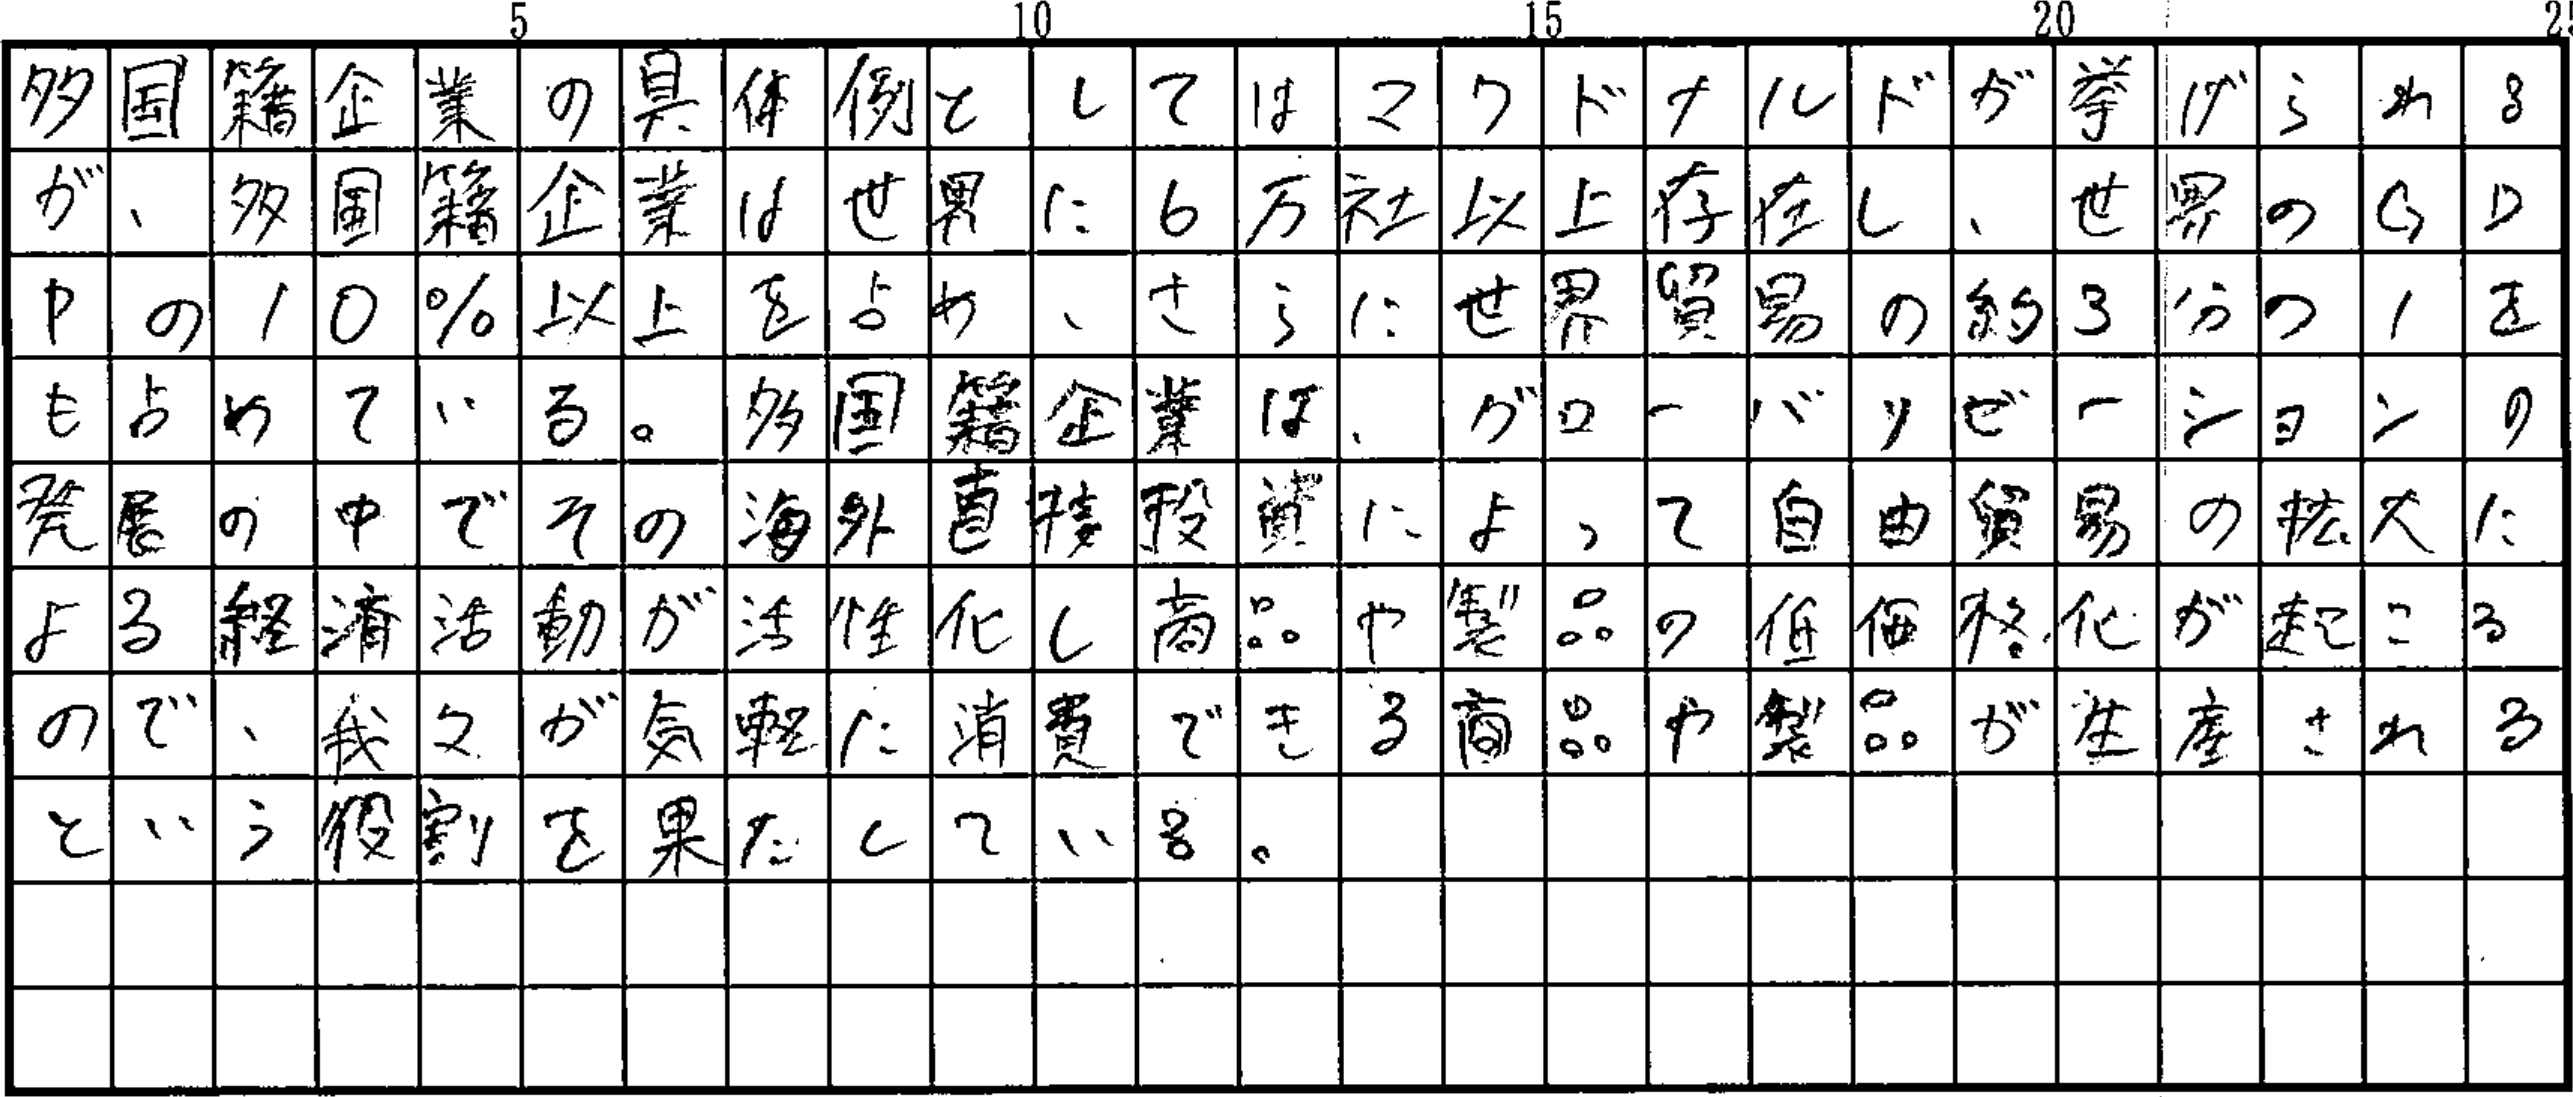多国籍企業の具体例としてはマクドナルドが挙げられるが、多国籍企業は世界に６万社以上存在し、世界のＧＤＰの１０％以上を占め、さらに世界貿易の約３分１をも占めている。多国籍企業は、グローバリゼーションの発展の中でその海外直接投資によって自由貿易の拡大による経済活動が活性化し商品や製品の低価格化が起こるので、我々が気軽に消費できる商品や製品が生産されるという役割を果たしている。
